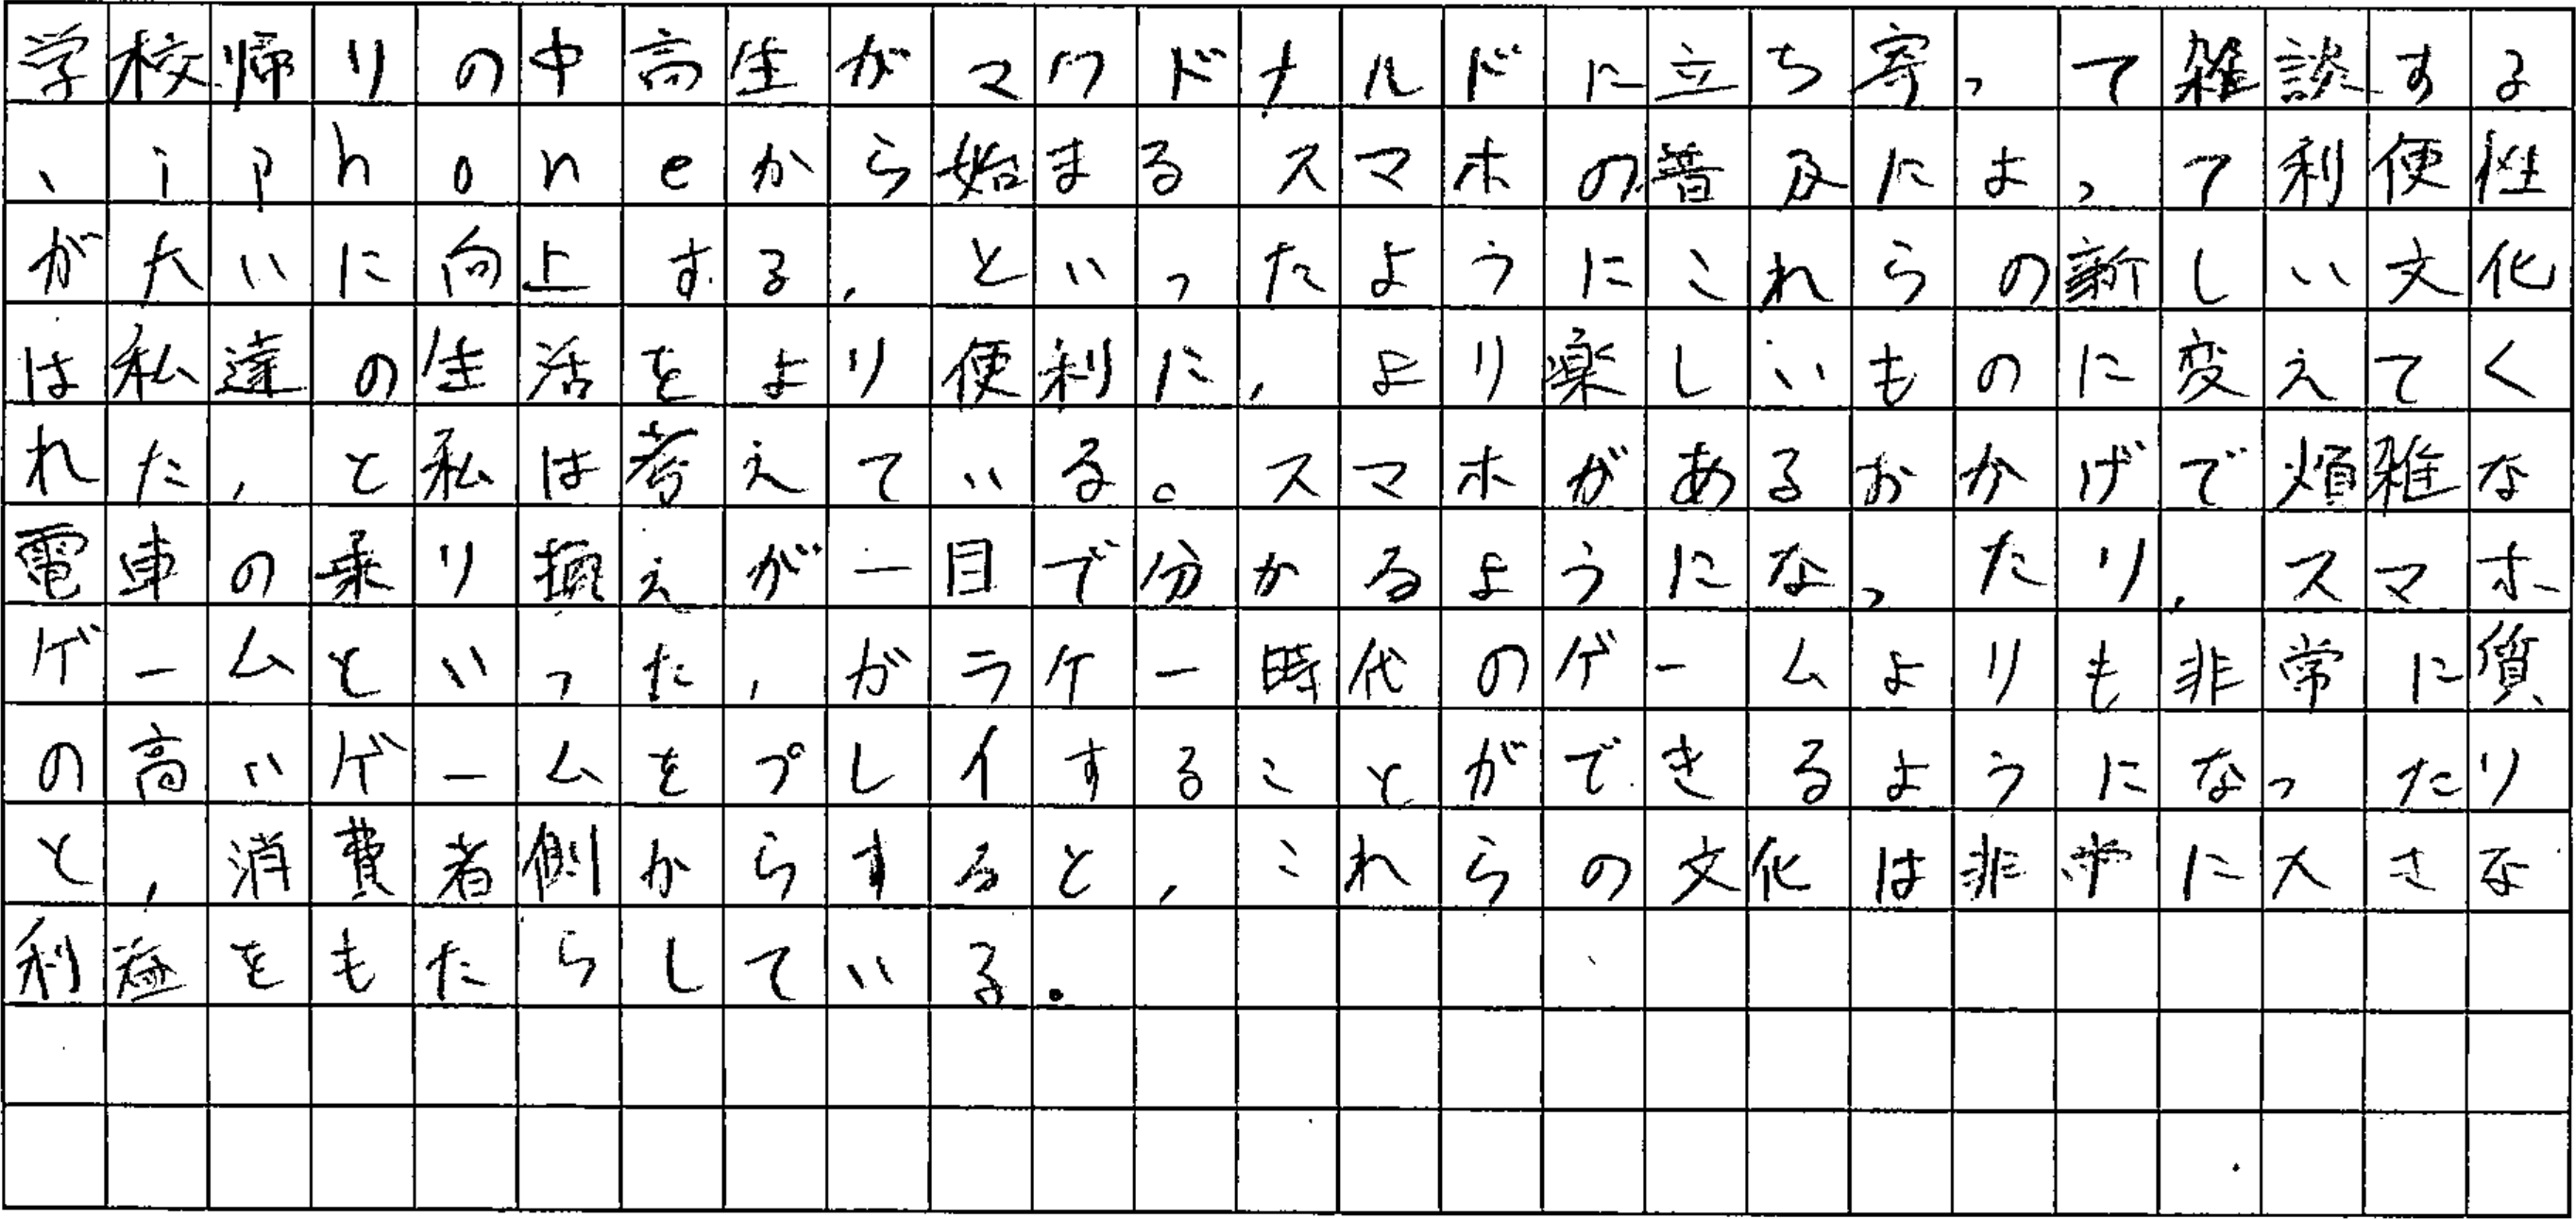学校帰りの中高生がマクドナルドに立ち寄って雑談する、ｉＰｈｏｎｅから始まるスマホの普及によって利便性が大いに向上する、といったようにこれらの新しい文化は私達の生活をより便利に、より楽しいものに変えてくれた、と私は考えている。スマホがあるおかげで煩雑な電車の乗り換えが一目で分かるようになったり、スマホゲームといった、ガラケー時代のゲームよりも非常に質の高いゲームをプレイすることができるようになったりと、消費者側からすると、これらの文化は非常に大きな利益をもたらしている。
